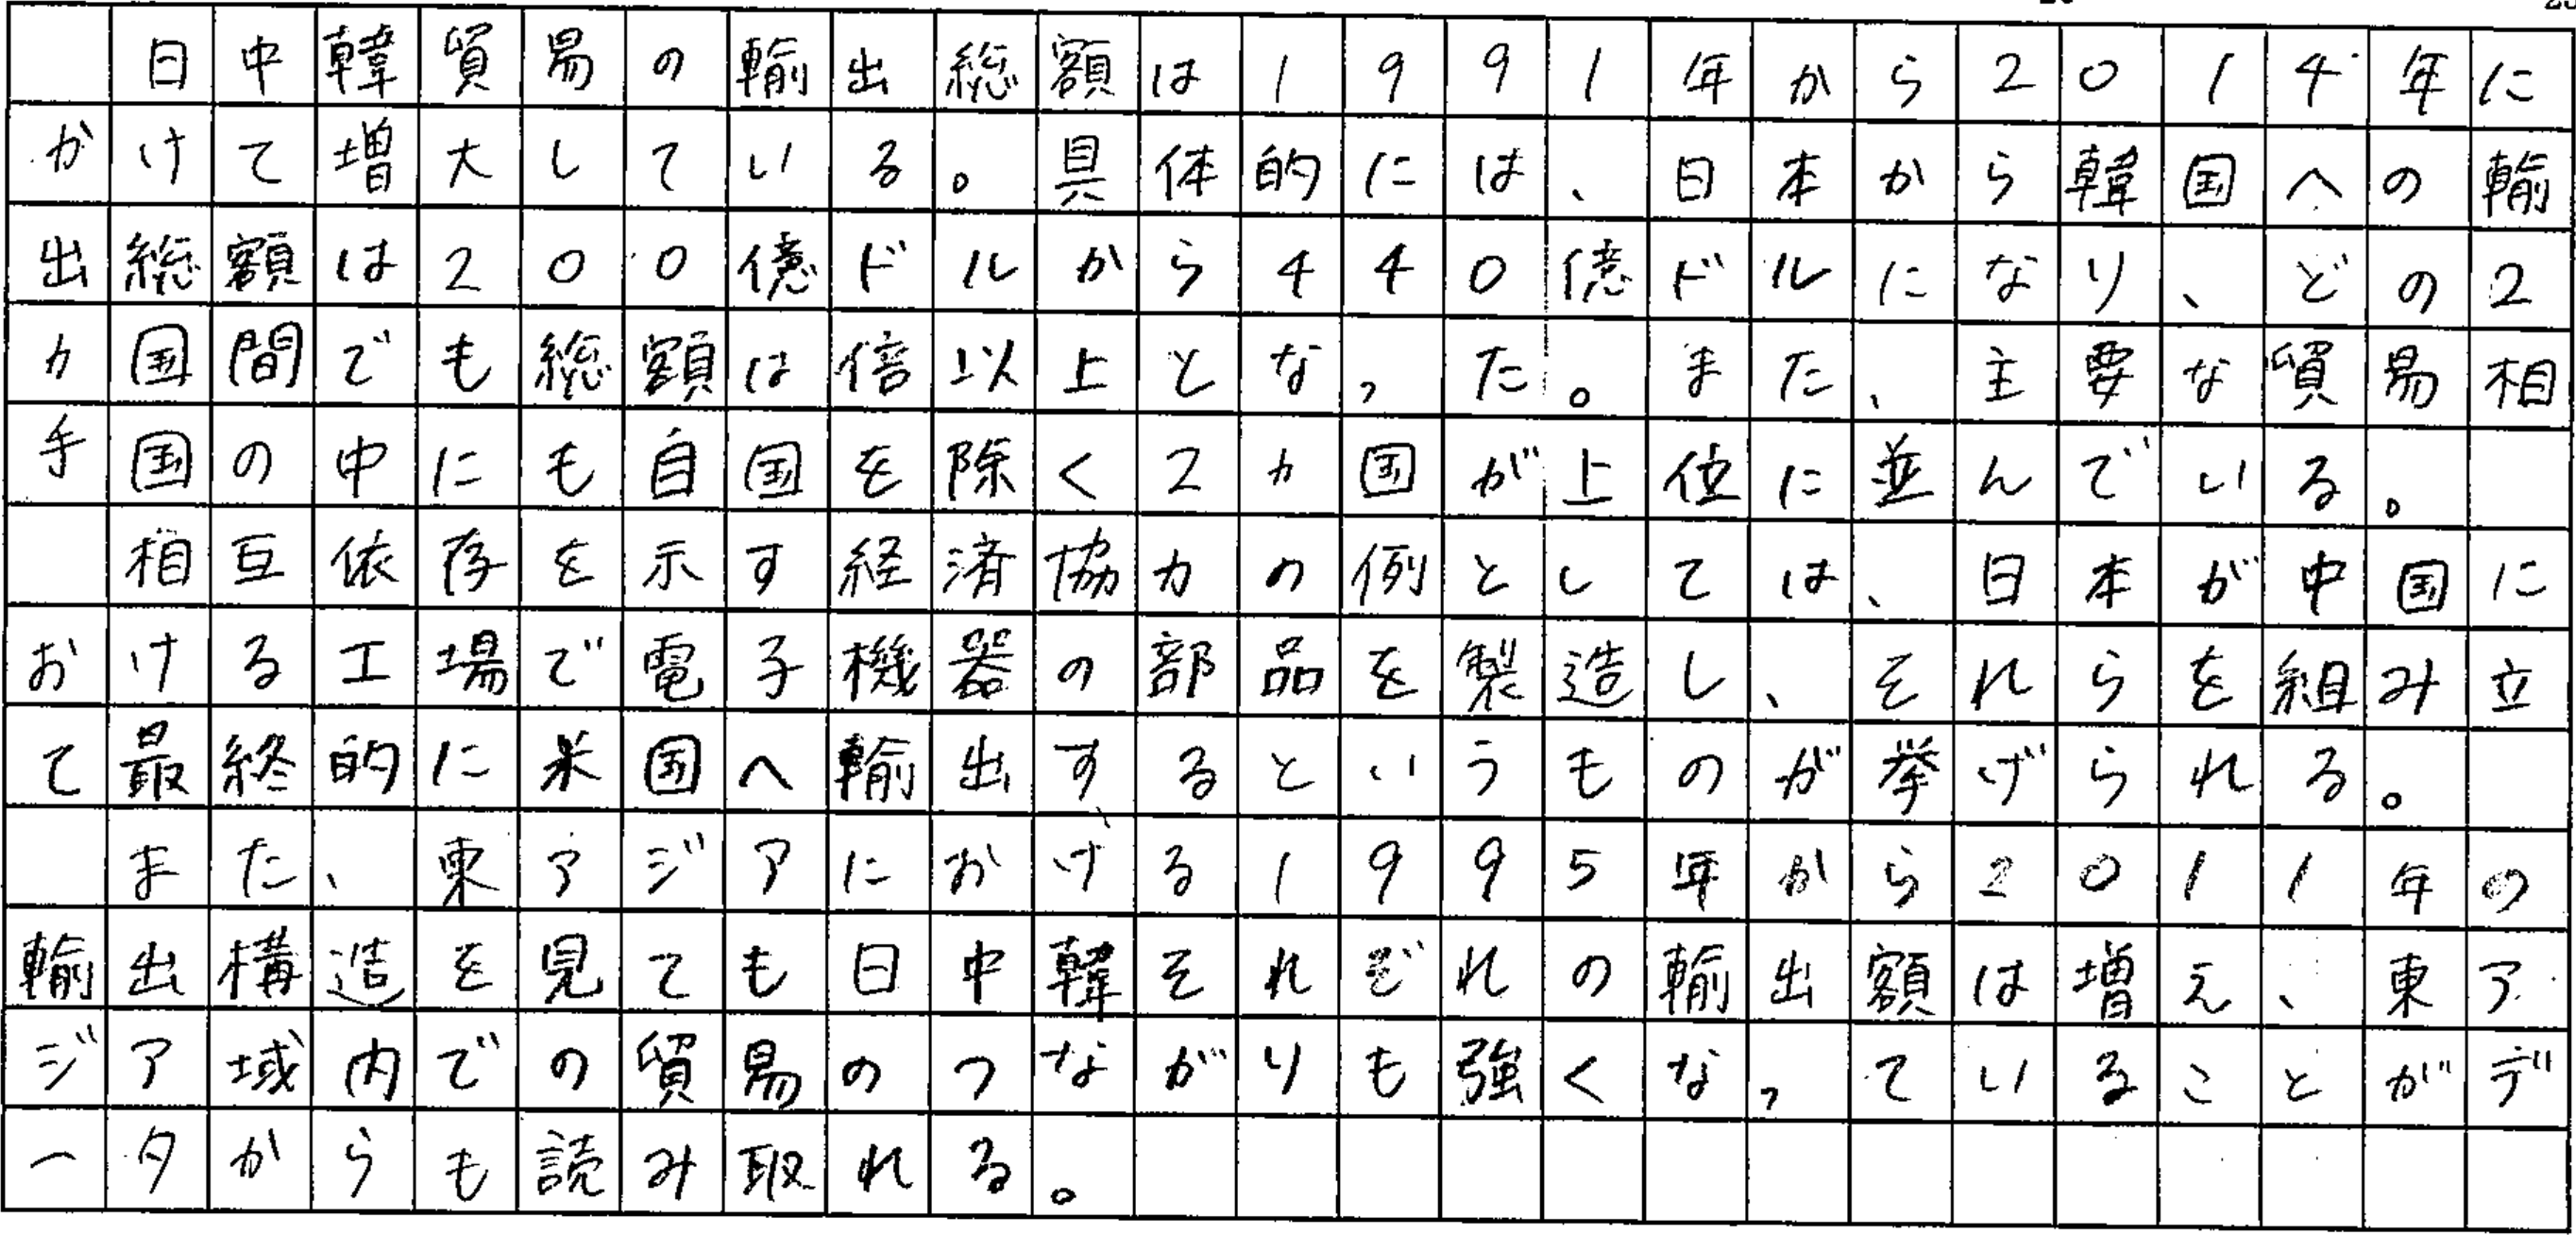　日中韓貿易の輸出総額は１９９１年から２０１４年にかけて増大している。具体的には、日本から韓国への輸出総額は２００億ドルから４４０億ドルになり、どの２ヵ国間でも総額は倍以上となった。また、主要な貿易相手国の中にも自国を除く２ヵ国が上位に並んでいる。
　相互依存を示す経済協力の例としては、日本が中国における工場で電子機器の部品を製造し、それらを組み立て最終的に米国へ輸出するというものが挙げられる。
　また、東アジアにおける１９９５年から２０１１年の輸出構造を見ても日中韓をそれぞれの輸出額は増え、東アジア域内での貿易のつながりも強くなっていることがデータからも読み取れる。
